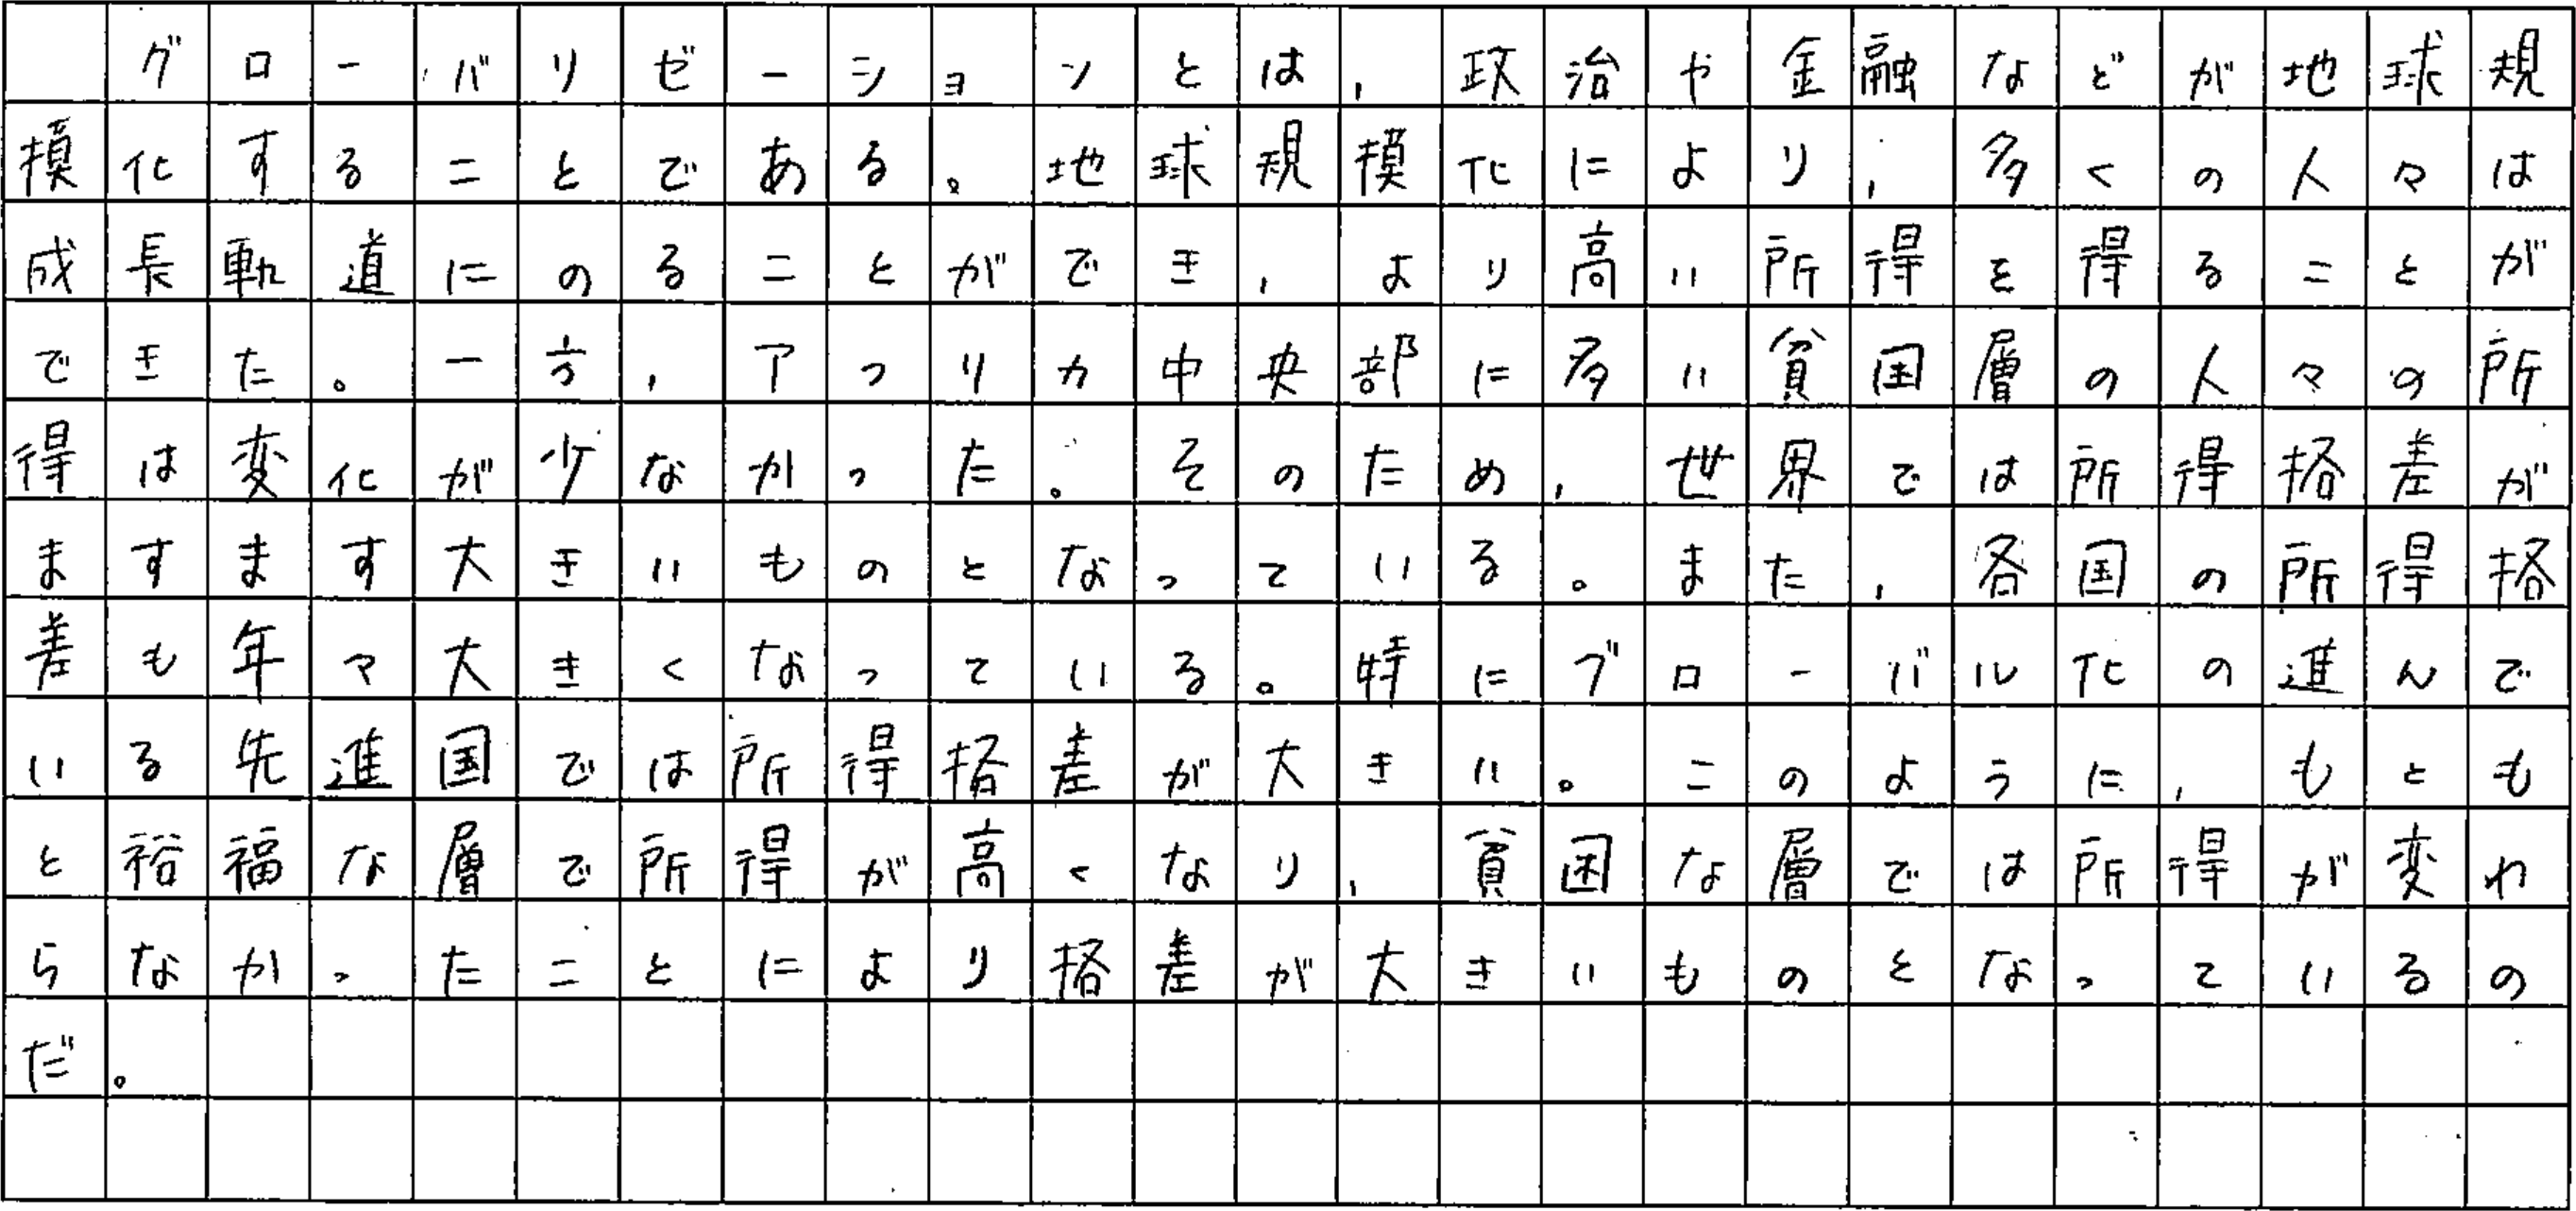　グローバリゼーションとは、政治や金融などが地球規模化することである。地球規模化により、多くの人々は成長軌道にのることができ、より高い所得を得ることができた。一方、アフリカ中央部に多い貧困層の人々の所得は変化が少なかった。そのため、世界では所得格差がますます大きいものとなっている。また、各国の所得格差も年々大きくなっている。特にグローバル化の進んでいる先進国では所得格差が大きい。このように、もともと裕福な層で所得が高くなり、貧困な層では所得が変わらなかったことにより格差が大きいものとなっているのだ。
